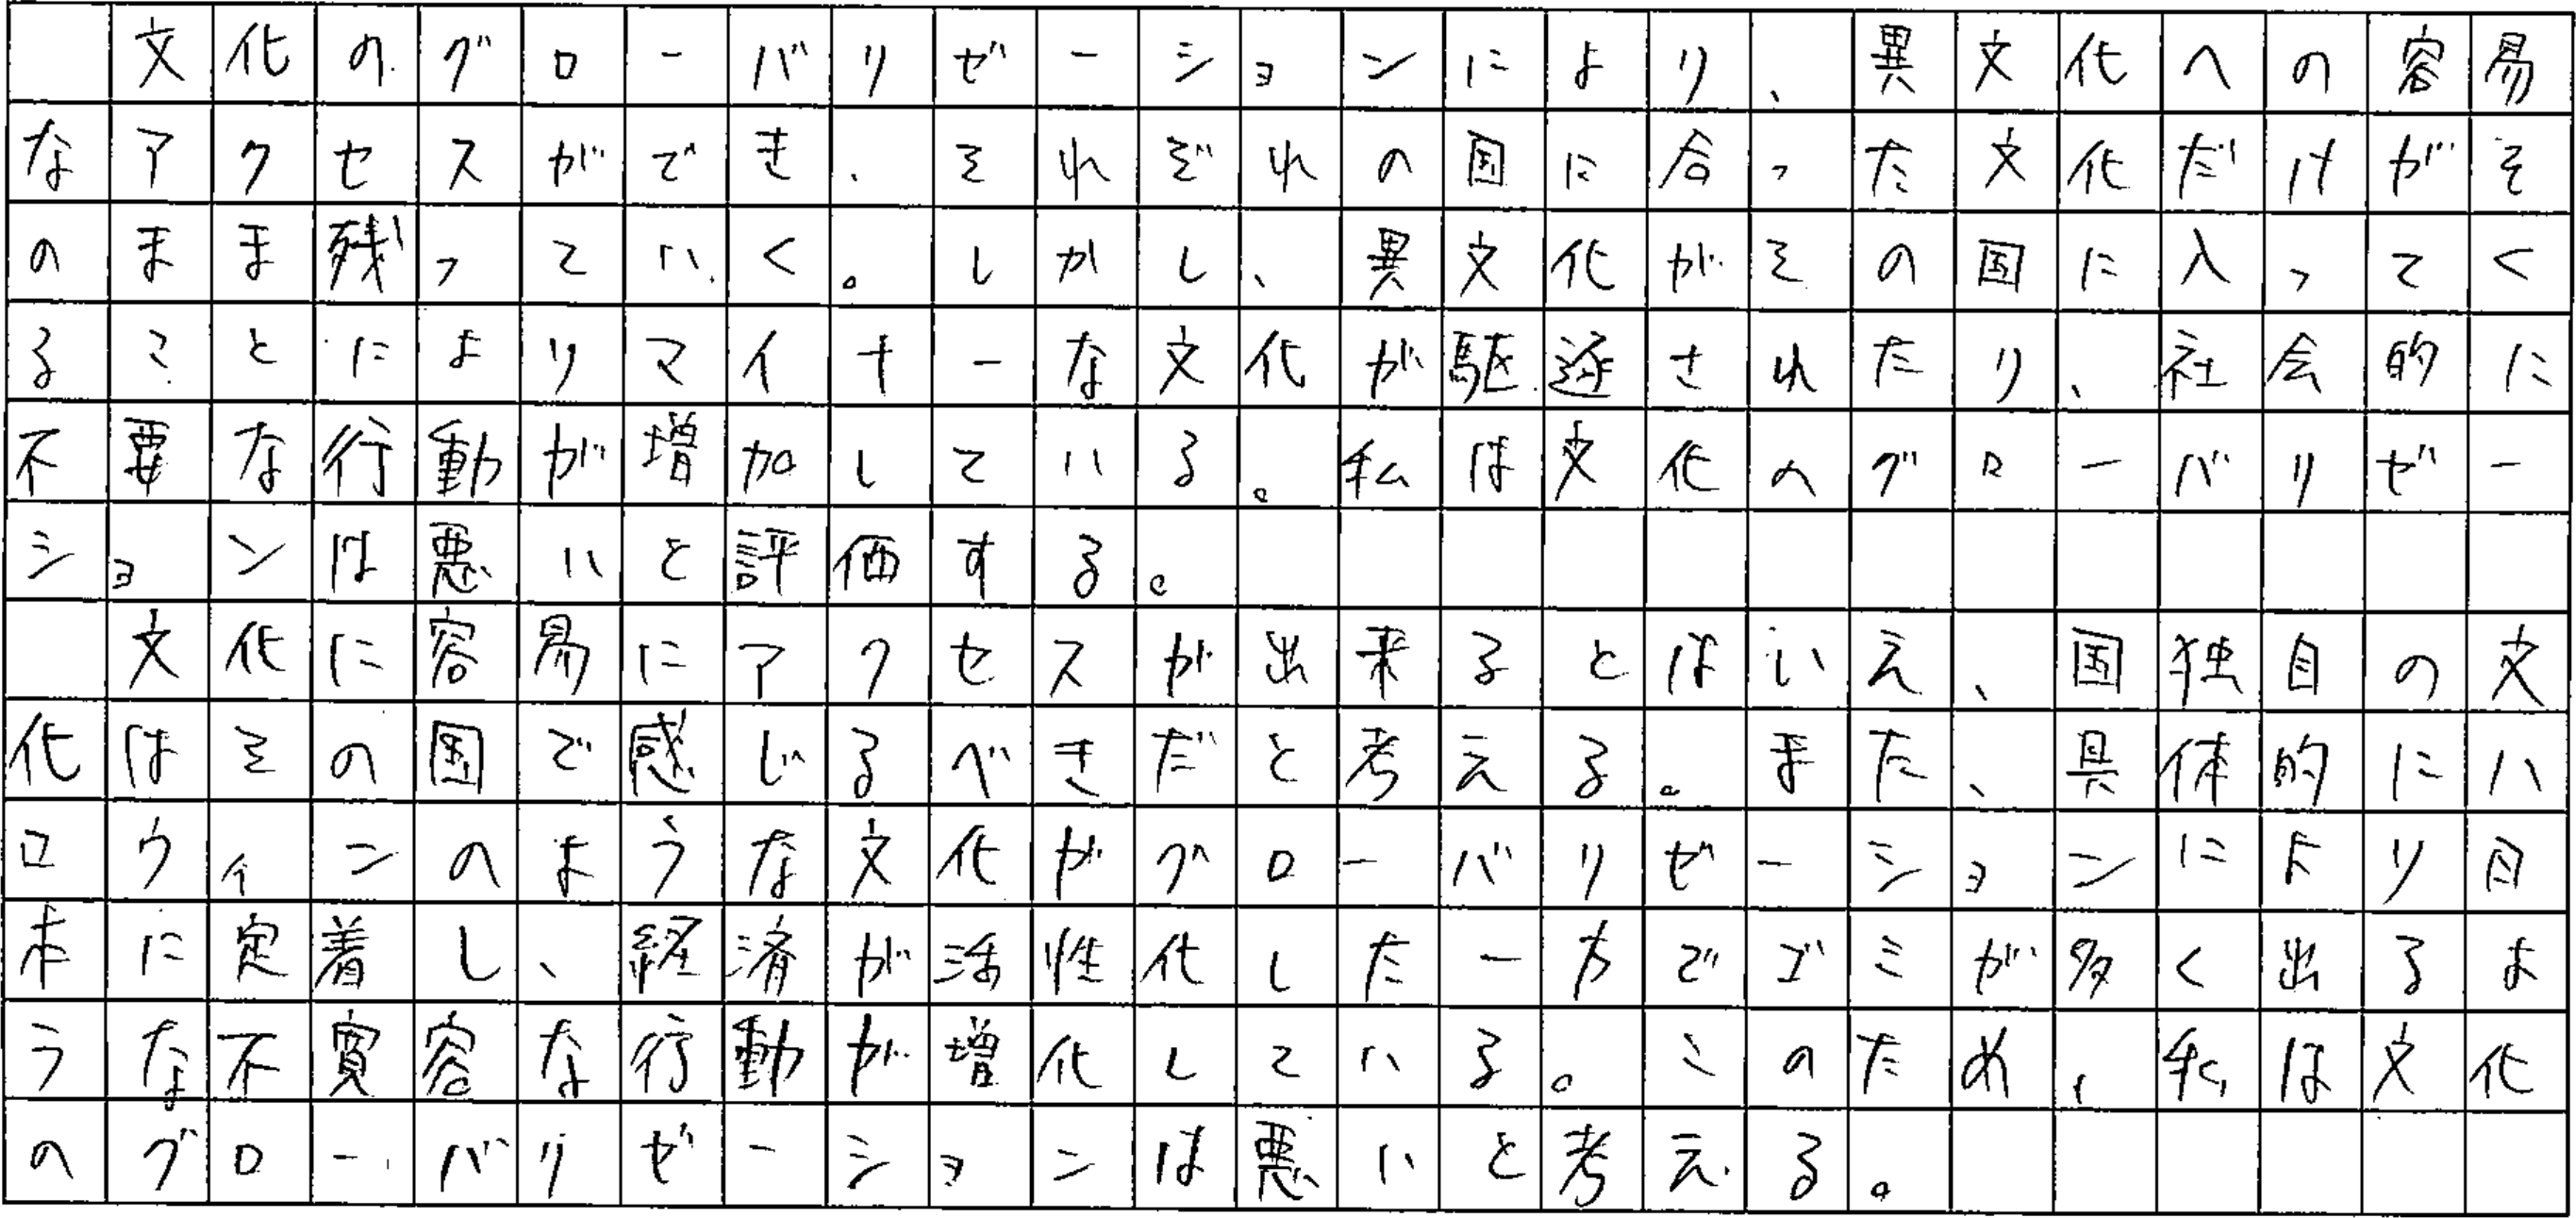　文化のグローバリゼーションにより、異文化への容易なアクセスができ、それぞれの国に合った文化だけがそのまま残っていく。しかし、異文化がその国に入ってくることによりマイナーな文化が駆逐されたり、社会的に不要な行動が増加している。私は文化のグローバリゼーションは悪いと評価する。
　文化に容易にアクセスが出来るとはいえ、国独自の文化はその国で感じるべきだと考える。また、具体的にハロウィンのような文化がグローバリゼーションにより日本に定着し、経済が活性化した一方でゴミが多く出るような不寛容な行動が増化している。このため、私は文化のグローバリゼーションは悪いと考える。
